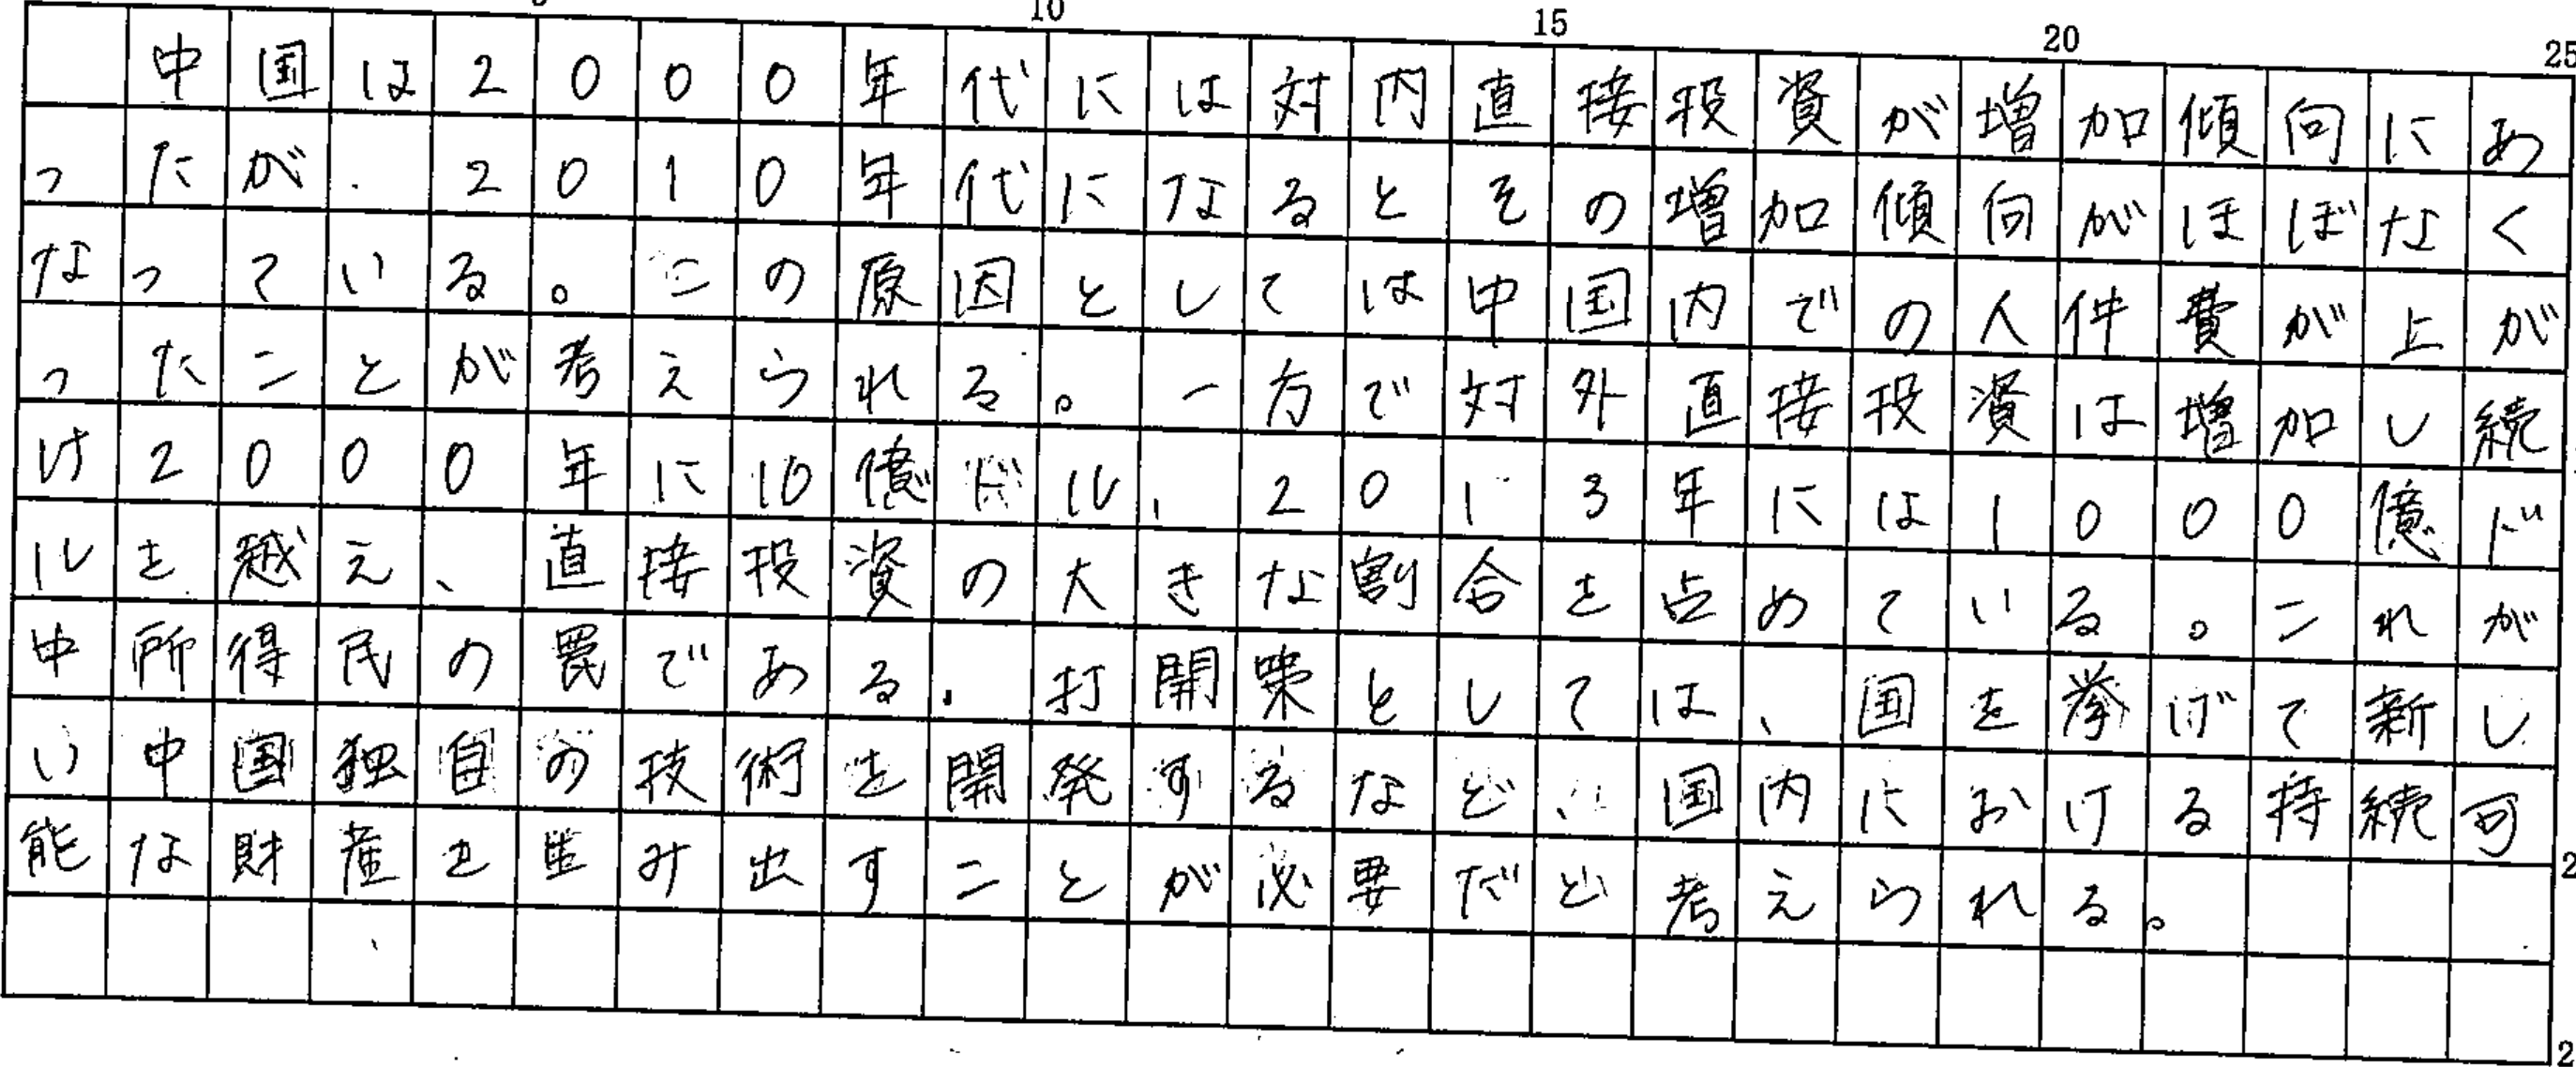　中国は２０００年代には対内直接投資が増加傾向にあったが、２０１０年代になるとその増加傾向がほぼなくなっている。この原因としては中国内での人件費が上がったことが考えられる。一方で対外直接投資は増加し続け２０００年に１０億ドル、２０１３年には１０００億ドルを越え、直接投資の大きな割合を占めている。これが中所得民の罠である。打開策としては、国を挙げて新しい中国独自の技術を開発するなど、国内における持続可能な財産を生み出すことが必要だと考えられる。
